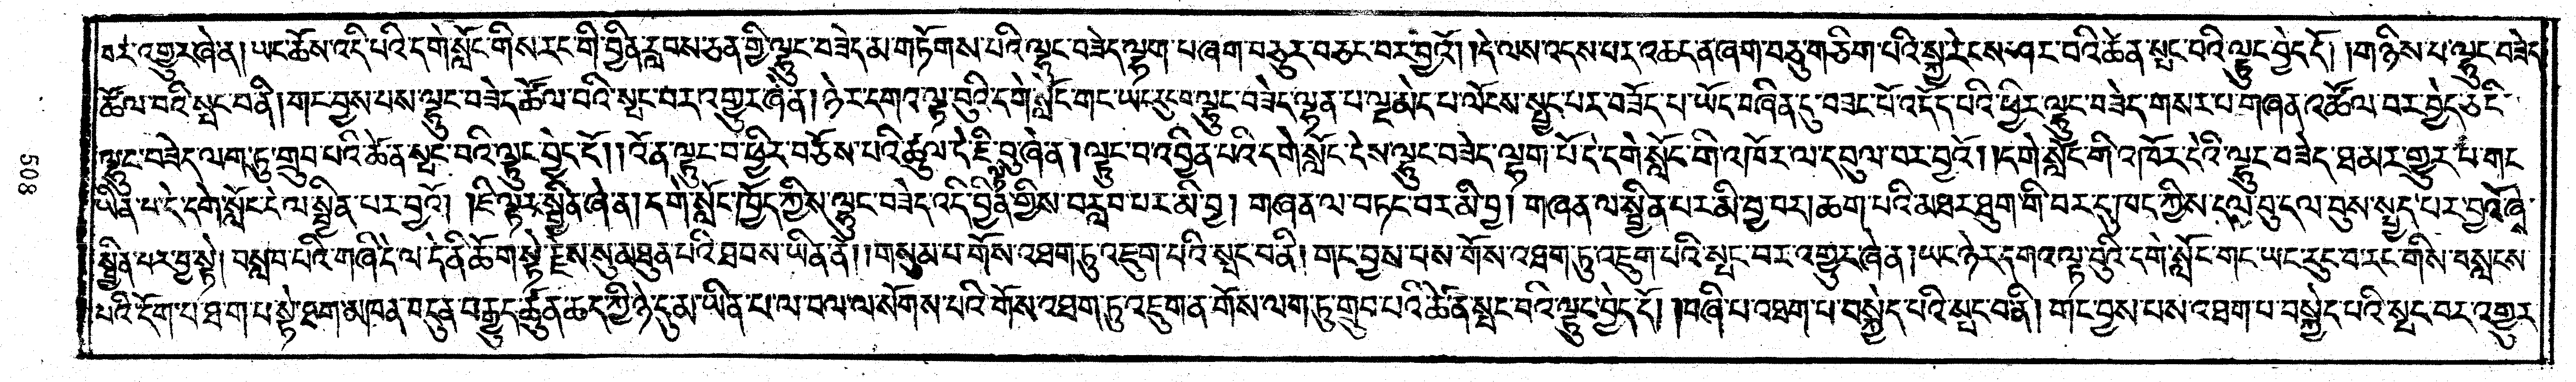བར་འགྱུར་ཞེ་ན། ཡང་ཆོས་འདི་པའི་དགེ་སློང་གིས་རང་གི་བྱིན་རླབས་ཅན་གྱི་ལྷུང་བཟེད་མ་གཏོགས་པའི་ལྷུང་བཟེད་ལྷག་པ་ཞག་བཅུར་བཅང་བར་བྱའོ། །དེ་ལས་འདས་པར་འཆད་ན་ཞག་བཅུ་གཅིག་པའི་སྐྱ་རེངས་ཤར་བའི་ཚེན་སྤང་བའི་ལྟུང་བྱེད་དོ། །གཉིས་པ་ལྷུང་བཟེད་
ཚོལ་བའི་སྤང་བ་ནི། གང་བྱས་པས་ལྷུང་བཟེད་ཚོལ་བའི་སྤང་བར་འགྱུར་ཞེ་ན། ཉེར་དགའ་ལྟ་བུའི་དགེ་སློང་གང་ཡང་རུང་བ་ལྷུང་བཟེད་ལྷན་པ་ལྔ་མེད་པ་ལོངས་སྤྱད་པར་བཟོད་པ་ཡོད་བཞིན་དུ་བཟང་པོ་འདོད་པའི་ཕྱིར་ལྷུང་བཟེད་གསར་པ་གཞན་འཚོལ་བར་བྱེད་ཅིང་
ལྷུང་བཟེད་ལག་ཏུ་གྲུབ་པའི་ཚེ་ན་སྤང་བའི་ལྟུང་བྱེད་དོ། །འོ་ན་ལྟུང་བ་ཕྱིར་བཅོས་པའི་ཚུལ་དེ་ཇི་ལྟ་བུ་ཞེ་ན། ལྟུང་བ་འབྱིན་པའི་དགེ་སློང་དེས་ལྷུང་བཟེད་ལྷག་པོ་དེ་དགེ་སློང་གི་འཁོར་ལ་དབུལ་བར་བྱའོ། །དགེ་སློང་གི་འཁོར་དེའི་ལྷུང་བཟེད་ཐ་མར་གྱུར་པ་གང་
ཡིན་པ་དེ་དགེ་སློང་དེ་ལ་སྦྱིན་པར་བྱའོ། །ཇི་ལྟར་སྦྱིན་ཞེ་ན། དགེ་སློང་ཁྱོད་ཀྱིས་ལྷུང་བཟེད་འདི་བྱིན་གྱིས་བརླབ་པར་མི་བྱ། གཞན་ལ་བཏང་བར་མི་བྱ། གཞན་ལ་སྦྱིན་པར་མི་བྱ་བར། ཆག་པའི་མཐར་ཐུག་གི་བར་དུ་ཁང་ཀྱིས་དལ་བུ་དལ་བུས་སྤྱད་པར་བྱའོ་ཞེས་
སྦྱིན་པར་བྱ་སྟེ། བསླབ་པའི་གཞི་དེ་ལ་དེ་ནི་ཆོ་ག་སྟེ་རྗེས་སུ་མཐུན་པའི་ཐབས་ཡིན་ནོ། །གསུམ་པ་གོས་འཐག་ཏུ་འཇུག་པའི་སྤང་བ་ནི། གང་བྱས་པས་གོས་འཐག་ཏུ་འཇུག་པའི་སྤང་བར་འགྱུར་ཞེ་ན། ཡང་ཉེར་དགའ་ལྟ་བུའི་དགེ་སློང་གང་ཡང་རུང་བ་རང་གིས་བསླངས་
པའི་དོག་པ་ཐག་པ་སྟེ་ཐག་མཁན་བདུན་བརྒྱུད་ཚུན་ཆད་ཀྱི་ཉེ་དུ་མ་ཡིན་པ་ལ་བལ་ལ་སོགས་པའི་གོས་འཐག་ཏུ་འཇུག་ན་གོས་ལག་ཏུ་གྲུབ་པའི་ཚེ་ན་སྤང་བའི་ལྟུང་བྱེད་དོ། །བཞི་པ་འཐག་པ་བསྐྱེད་པའི་སྤང་བ་ནི། གང་བྱས་པས་འཐག་པ་བསྐྱེད་པའི་སྤང་བར་འགྱུར་